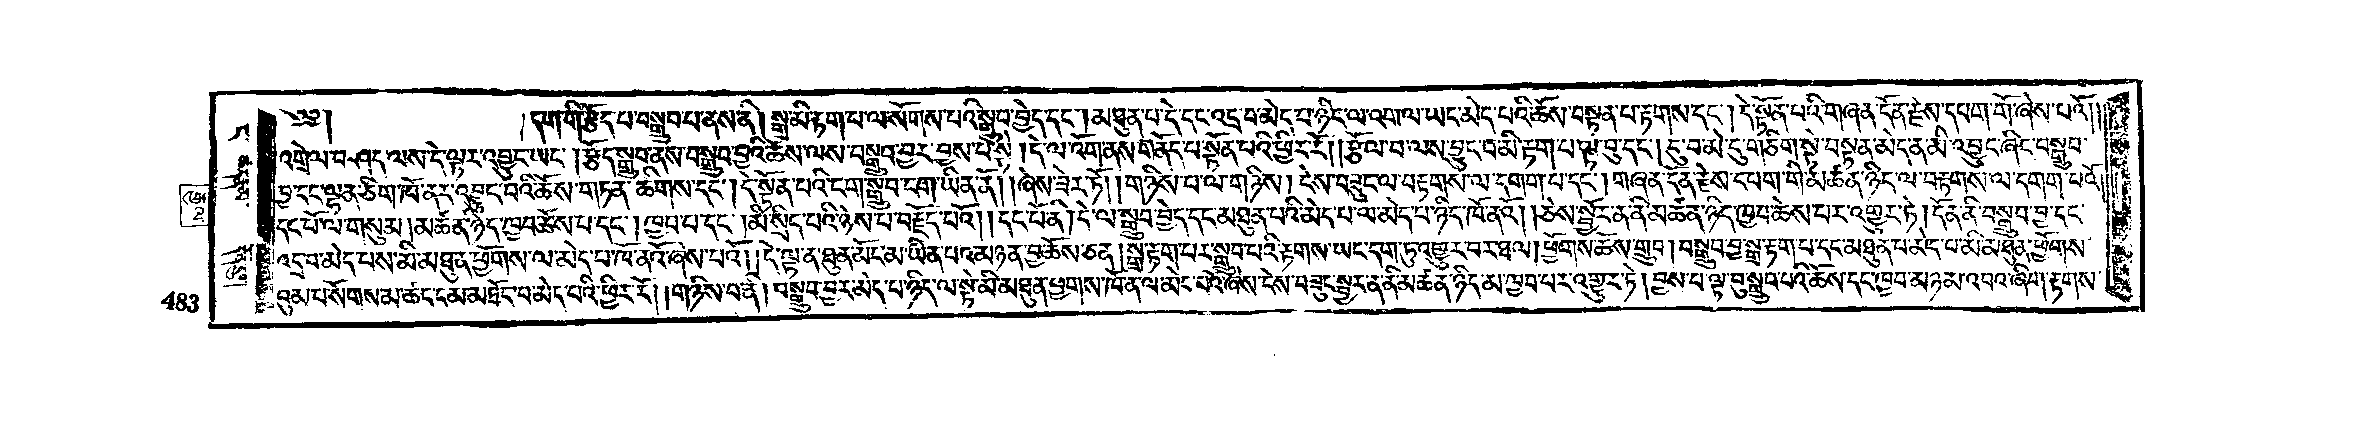༄༅། །དག་གི་རྩོད་པ་བསྒྲུབ་པ་ནས་ནི། སྒྲ་མི་རྟག་པ་ལ་སོགས་པའི་སྒྲུབ་བྱེད་དང་། མཐུན་པ་དེ་དང་འདྲ་བ་མེད་པ་ཉིད་ལ་འགལ་ཡང་མེད་པའི་ཆོས་བསྟན་པ་རྟགས་དང་། དེ་སྟོན་པའི་གཞན་དོན་རྗེས་དཔག་གོ་ཞེས་པའོ། །
འགྲེལ་བཤད་ལས་དེ་ལྟར་འབྱུང་ཡང་། རྩོད་སྒྲུབ་ནས་བསྒྲུབ་བྱའི་ཆོས་ལས་བསྒྲུབ་བྱར་བྱས་པ་སྟེ། དེ་ལ་འོག་ནས་གནོད་པ་སྟོན་པའི་ཕྱིར་རོ། །རྩོལ་བ་ལས་བྱུང་བ་མི་རྟག་པ་ལྟ་བུ་དང་དུ་བ་མེ་དུ་གཅིག་སྟེ་བསྟན་མེད་ན་མི་འབྱུང་ཞིང་བསྒྲུབ་
བྱ་དང་ལྷན་ཅིག་ཁོ་ནར་འབྱུང་བའི་ཆོས་གཏན་ཚིགས་དང་། དེ་སྟོན་པའི་ངག་སྒྲུབ་ངག་ཡིན་ནོ། །ཞེས་ཟེར་ཏོ། །གཉིས་པ་ལ་གཉིས། ངེས་བཟུང་ལ་བརྟགས་ལ་དགག་པ་དང་། གཞན་དོན་རྗེས་དཔག་མི་མཚན་ཉིད་ལ་བརྟགས་ལ་དགག་པའོ། །
དང་པོ་ལ་གསུམ། མཚན་ཉིད་ཁྱབ་ཆོས་པ་དང་། ཁྱབ་པ་དང་། མི་སྲིད་པའི་ཉེས་པ་བརྗོད་པའོ། །དང་པོ་ནི། དེ་ལ་སྒྲུབ་བྱེད་དང་མཐུན་པའི་མེད་པ་ལ་མེད་པ་ཉིད་ཁོ་ནའོ། །ཅེས་སྦྱོར་ན་ནི་མཚན་ཉིད་ཁྱབ་ཆེས་པར་འགྱུར་ཏེ། དོན་ནི་བསྒྲུབ་བྱ་དང་
འདྲ་བ་མེད་པས་མི་མཐུན་ཕྱོགས་ལ་མེ༣ད་པ་ཁོ་ནའོ་ཞེས་པའོ། །དེ་ལྟ་ན་ཐུན་མོང་མ་ཡིན་པའམ་མཉན་བྱ་ཆོས་ཅན། སྒྲ་རྟག་པར་སྒྲུབ་པའི་རྟགས་ཡང་དག་ཏུ་འགྱུར་བར་ཐལ། ཕྱོགས་ཆོས་གྲུབ། བསྒྲུབ་བྱ་སྒྲ་རྟག་པ་དང་མཐུན་པ་མེད་པ་མི་མཐུན་ཕྱོགས་
བུམ་པ་སོགས་མ་ཚང་ངམ་མཐོང་བ་མེད་པའི་ཕྱིར་རོ། །གཉིས་པ་ནི། བསྒྲུབ་བྱར་མེད་པ་ཉིད་ལ་སྟེ་མི་མཐུན་ཕྱོགས་ཁོ་ན་ལ་མེད་པའི་ཞེས་ངེས་བཟུང་སྦྱར་ན་ནི་མཚན་ཉིད་མ་ཁྱབ་པར་འགྱུར་ཏེ། བྱས་པ་ལྟ་བུ་སྒྲུབ་པའི་ཆོས་དང་ཁྱབ་མཉམ་འབའ་ཞིག་རྟགས་